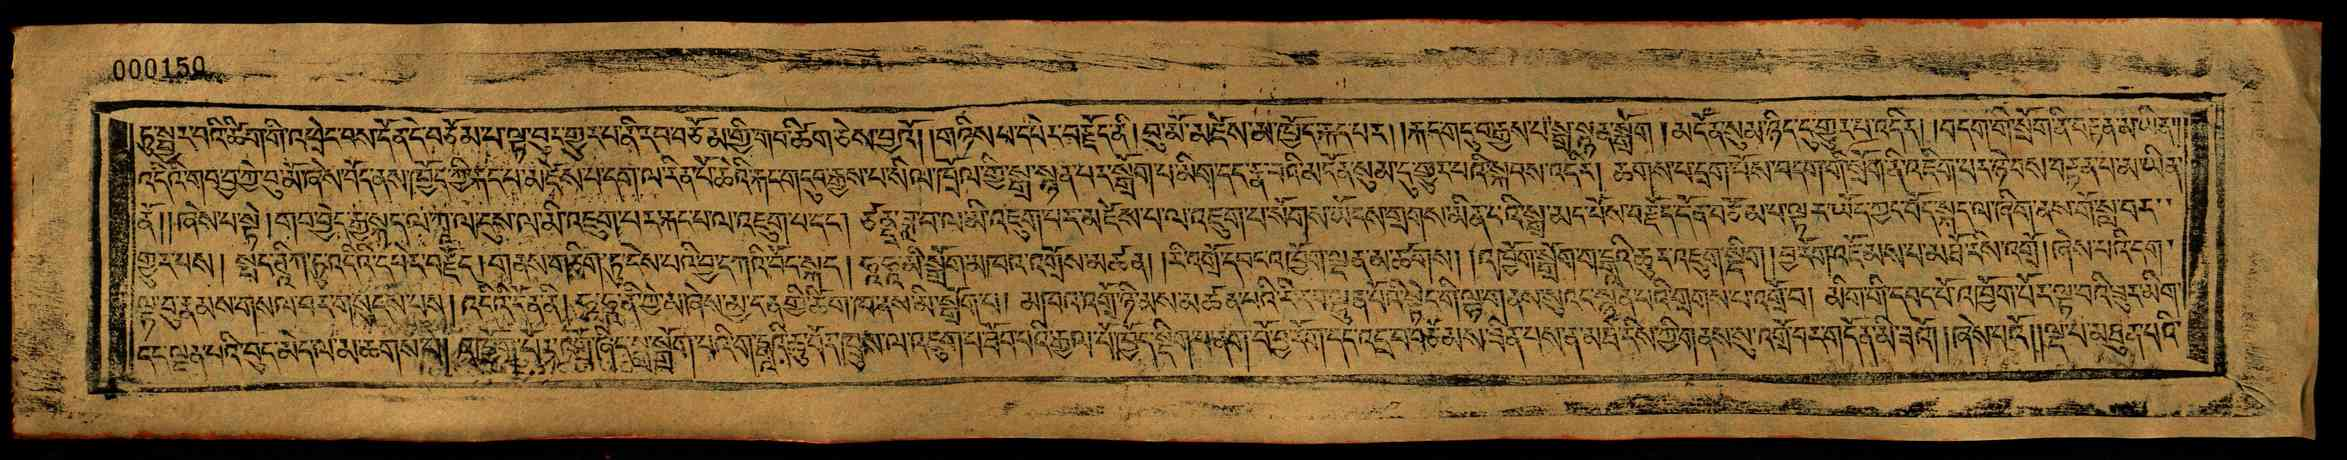ཏུ་སྦྱར་བའི་ཚིག་གི་འཕྲེང་བས་དོན་དེ་བཅོམ་པ་ལྟ་བུར་གྱུར་པ་ནི་རབ་བཅོམ་གྱི་གབ་ཚིག་ཅེས་བྱའོ། །གཉིས་པ་དཔེར་བརྗོད་ནི། བུ་མོ་མཛེས་མ་ཁྱོད་རྐང་པར། །རྐང་གདུབ་རྒྱས་པ་སྒྲ་སྙན་སྒྲོག །མངོན་སུམ་ཉིད་དུ་གྱུར་པ་འདིར། །བདག་གི་སྲོག་ནི་བརྟན་མ་ཡིན་
འདེའི་གབ་བྱ་ཀྱི་བུ་མོ་ཞེས་བོད་ནས་ཁྱོད་ཀྱི་རྐང་པ་མཛེས་པ་དག་ལ་རིན་པོ་ཆེའི་རྐང་གདུབ་རྒྱས་པ་སིལ་ཁྲོལ་གྱི་སྒྲ་སྙན་པར་སྒྲོགས་པ་མིག་དང་རྣ་བའི་མངོན་སུམ་དུ་བྱུང་བའི་སྐབས་འདིར། ཆགས་པ་དྲག་པོས་བདག་གི་སྲོག་ནི་འཇིག་པར་ཉེ་བས་བརྟན་པ་མ་ཡིན་
ནོ། །ཞེས་པ་སྟེ། གབ་བྱེད་རྒྱ་སྐད་ལ་ཀཱ་ལ་དུས་ལ་མི་འཇུག་པའི་རྐང་པ་ལ་འཇུག་པ་དང་། ཙནྡྲ་ཟླ་བ་ལ་མི་འཇུག་པར་མཛེས་པ་ལ་འཇུག་པ་སོགས་ཡོངས་གྲགས་མིན་པའི་སྒྲ་མང་པོས་བརྗོད་དོན་བཅོམ་པ་ལྟར་ཡོད་ཀྱང་བོད་སྐད་ལ་ཞིག་ནས་གོ་སླ་བར་
གྱུར་པས། སྤང་ཊཱིཀ་ཏུ་འདིའི་དཔེར་བརྗོད། གནས་གཅིག་ཏུ་ངེས་པའི་བྱ་དཀའི་བོད་སྐད། ཧཱ་ཧཱ་མི་སྒྲོག་མཁའ་འགྲོས་མཚན། །རི་འགྲོ་དབང་འཁྱོག་ལྡན་མ་ཆགས། །འཁྱོག་སྒྲོག་གངྒཱའི་ཆུར་འཇུག་སྡིག །བྱ་རོག་འཇོམས་པ་མཐོ་རས་འགྲོ། ཞེས་པའི་དག་
ལྟ་བུ་རྣམས་གསལ་བར་གསུངས་པས། འདིའི་དོན་ནི། ཧཱ་ཧཱ་ནི་ཀྱེ་མ་ཞེས་མྱ་ངན་གྱི་ཚིག་ཁ་ནས་མི་སྒྲོག་པ། མཁའ་འགྲོ་ཉི་མས་མཚན་པའི་རི་རབ་ལྷུན་པོའི་སྟེང་གི་ལྷ་གནས་སུའང་སྙན་པའི་གྲགས་པ་འགྲོ་བ། མིག་གི་དབང་པོ་འཁྱོག་པོར་ལྟ་བའི་ཟུར་མིག་
དང་ལྡན་པའི་བུད་མེད་ལ་མ་ཆགས་པ། འཁྱོག་པོར་འགྲོ་ཞིང་སྒྲ་སྒྲོག་པའི་གངྒཱའི་ཆུ་བོར་ཁྲུས་ལ་འཇུག་པ་ཐོབ་པའི་རྒྱལ་པོ་ཁྱོད་སྡིག་པ་ནག་པོ་བྱ་རོག་དང་འདྲ་བ་བཅོམས་ཟིན་པས་ན་མཐོ་རིས་ཀྱི་གནས་སུ་འགྲོ་བར་གདོན་མི་ཟའོ། །ཞེས་པའོ། །ལྔ་པ་མཐུན་པའི་